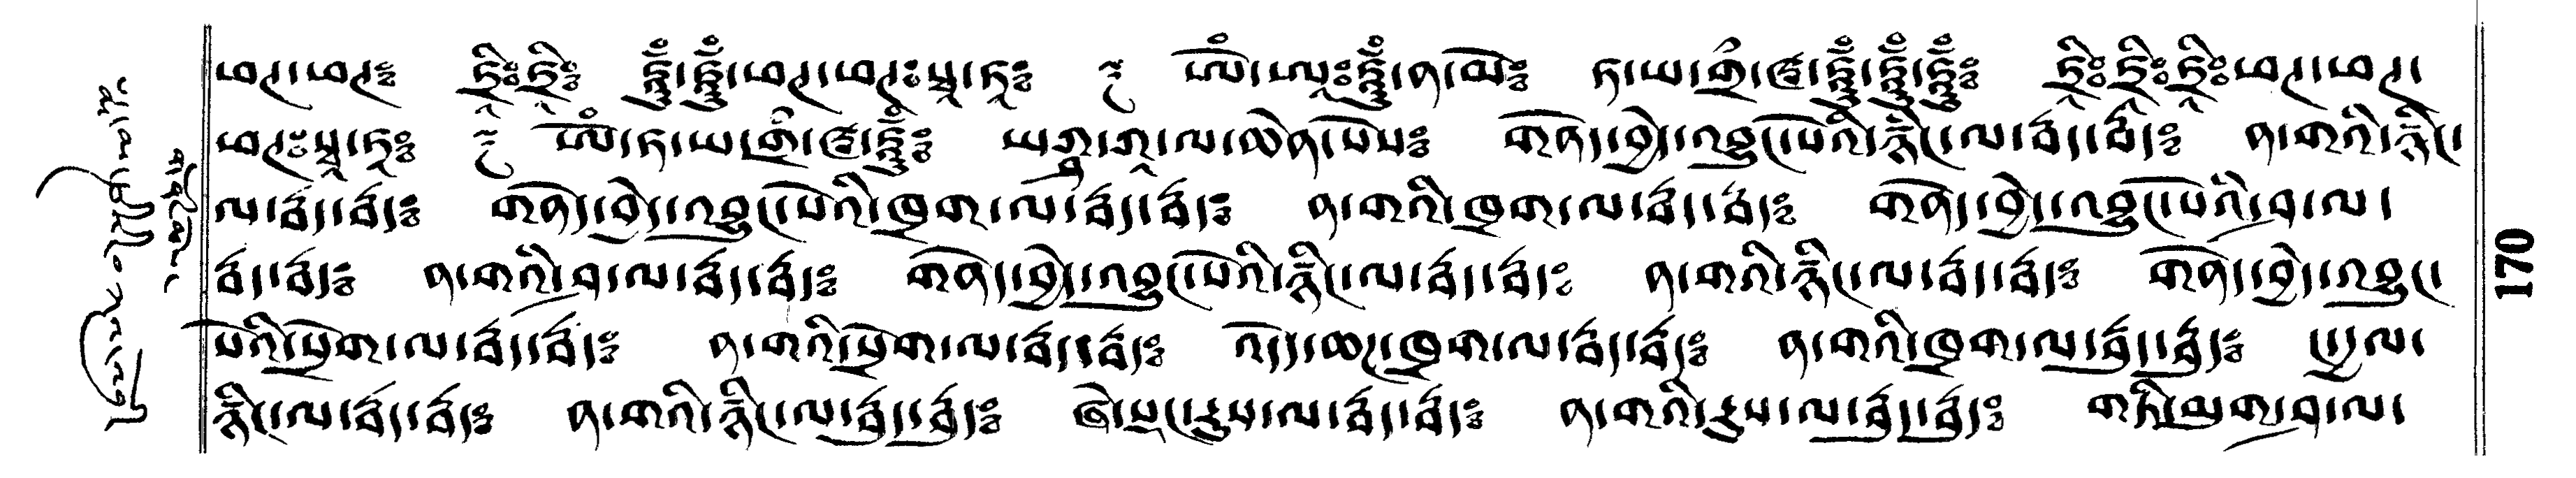ཕཊ་ཕཊ༔ ཧྲཱི་ཧྲཱི༔ ཧཱུྃ་ཧཱུྃ་ཕཊ་ཕཊ་སྭཱ་ཧཱ༔ ༈ ཨོཾ་ཨཱཿཧཱུྃ་ན་མོ༔ ཧ་ཡ་གྲྀ་ཝ་ཧཱུྃ་ཧཱུྃ་ཧཱུྃ༔ ཧྲཱི་ཧྲཱི་ཧྲཱིཿཕཊ་ཕཊ་
ཕཊཿསྭཱ་ཧཱ༔ ༈ ཨོཾ་ཧ་ཡ་གྲེ་ཝ་ཧཱུྃ༔ ཡཀྴ་ཀཱ་ལ་ཆེན་པོ་གནོད་བྱེད་འབྱུང་པོའི་སྙིང་ལ་རྦད་རྦད༔ ན་གའི་སྙིང་
ལ་རྦད་རྦད༔ གནོད་བྱེད་འབྱུང་པོའི་ཁྲག་ལ་རྦད་རྦད༔ ན་གའི་ཁྲག་ལ་རྦད་རྦད༔གནོད་བྱེད་འབྱུང་པོའི་ཤ་ལ་
རྦད་རྦད༔ ན་གའི་ཤ་ལ་རྦད་རྦད༔ གནོད་བྱེད་འབྱུང་པོའི་སྙིང་ལ་རྦད་རྦད༔ ན་གའི་སྙིང་ལ་རྦད་རྦད༔ གནོད་བྱེད་འབྱུང་
པོའི་སྲོག་ལ་རྦད་རྦད༔ ན་གའི་སྲོག་ལ་རྦད་རྦད༔ འདོད་ཆགས་ཁྲག་ལ་རྦད་རྦད༔ ན་གའི་ཁྲག་ལ་རྦུད་རྦུད༔ ང་རྒྱལ་
སྙིང་ལ་རྦད་རྦད༔ ན་གའི་སྙིང་ལ་རྦུད་རྦུད༔ ཞེ་སྡང་རུས་ལ་རྦད་རྦད༔ ན་གའི་རུས་ལ་རྦུད་རྦུད༔ གཏི་མུག་ཤ་ལ་